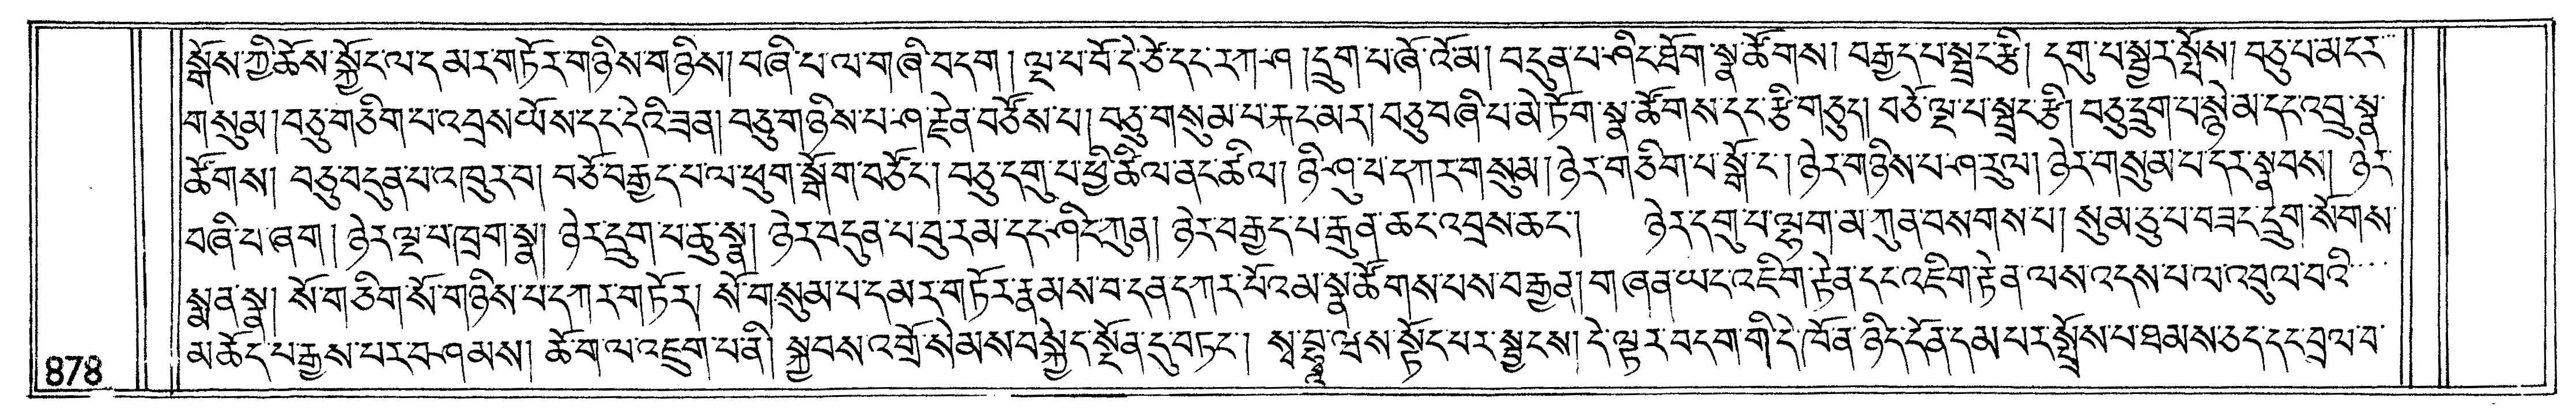སྒོས་ཀྱི་ཆོས་སྐྱོང་ལ་དམར་གཏོར་གཉིས་གཉིས། བཞི་པ་ལ་གཞི་བདག །ལྔ་པ་བོ་དེ་ཙེ་དང་རཀ་ཤ། དྲུག་པ་ཞོ་འོ་མ། བདུན་པ་ཤིང་ཐོག་སྣ་ཚོགས། བརྒྱད་པ་སྦྲང་རྩི། དགུ་པ་སྦྱར་སྤོས། བཅུ་པ་མངར་
གསུམ། བཅུ་གཅིག་པ་འབྲས་ཡོས་དང་དེའི་ཟན། བཅུ་གཉིས་པ་ཤ་རྗེན་བཙོས་པ། བཅུ་གསུམ་པ་རྐང་མར། བཅུ་བཞི་པ་མེ་ཏོག་སྣ་ཚོགས་དང་རྩི་གཅུད། བཅོ་ལྔ་པ་སྦྲང་རྩི། བཅུ་དྲུག་པ་སྙེ་མ་དང་འབྲུ་སྣ་
ཚོགས། བཅུ་བདུན་པ་འཁུར་བ། བཅོ་བརྒྱད་པ་ལ་ཕུག་སྒོག་བཙོང་། བཅུ་དགུ་པ་ཕྱི་ཚིལ་ནང་ཚིལ། ཉི་ཤུ་པ་དཀར་གསུམ། ཉེར་གཅིག་པ་སྒོ་ང་། ཉེར་གཉིས་པ་ཤ་རུལ། ཉེར་གསུམ་པ་དར་སྣབས། ཉེར་
བཞི་པ་ཞག །ཉེར་ལྔ་པ་ཁྲག་སྣ། ཉེར་དྲུག་པ་ཆུ་སྣ། ཉེར་བདུན་པ་བུ་རམ་དང་ཤིང་ཀུན། ཉེར་བརྒྱད་པ་རྒུན་ཆང་འབྲས་ཆང་། ཉེར་དགུ་པ་ལྷག་མ་ཀུན་བསགས་པ། སུམ་ཅུ་པ་བཟང་དྲུག་སོགས་
སྨན་སྣ། སོ་གཅིག་སོ་གཉིས་པ་དཀར་གཏོར། སོ་གསུམ་པ་དམར་གཏོར་རྣམས་བ་དན་དཀར་པོའམ་སྣ་ཚོགས་པས་བརྒྱན། གཞན་ཡང་འཇིག་རྟེན་དང་འཇིག་རྟེན་ལས་འདས་པ་ལ་འབུལ་བའི་
མཆོད་པ་རྒྱས་པར་བཤམས། ཆོ་ག་ལ་འཇུག་པ་ནི། སྐྱབས་འགྲོ་སེམས་བསྐྱེད་སྔོན་དུ་བཏང་། སྭ་བྷྭཱ་ཝས་སྟོང་པར་སྦྱངས། དེ་ལྟར་བདག་གི་དེ་ཁོ་ན་ཉིད་དོན་དམ་པར་སྤྲོས་པ་ཐམས་ཅད་དང་བྲལ་བ་